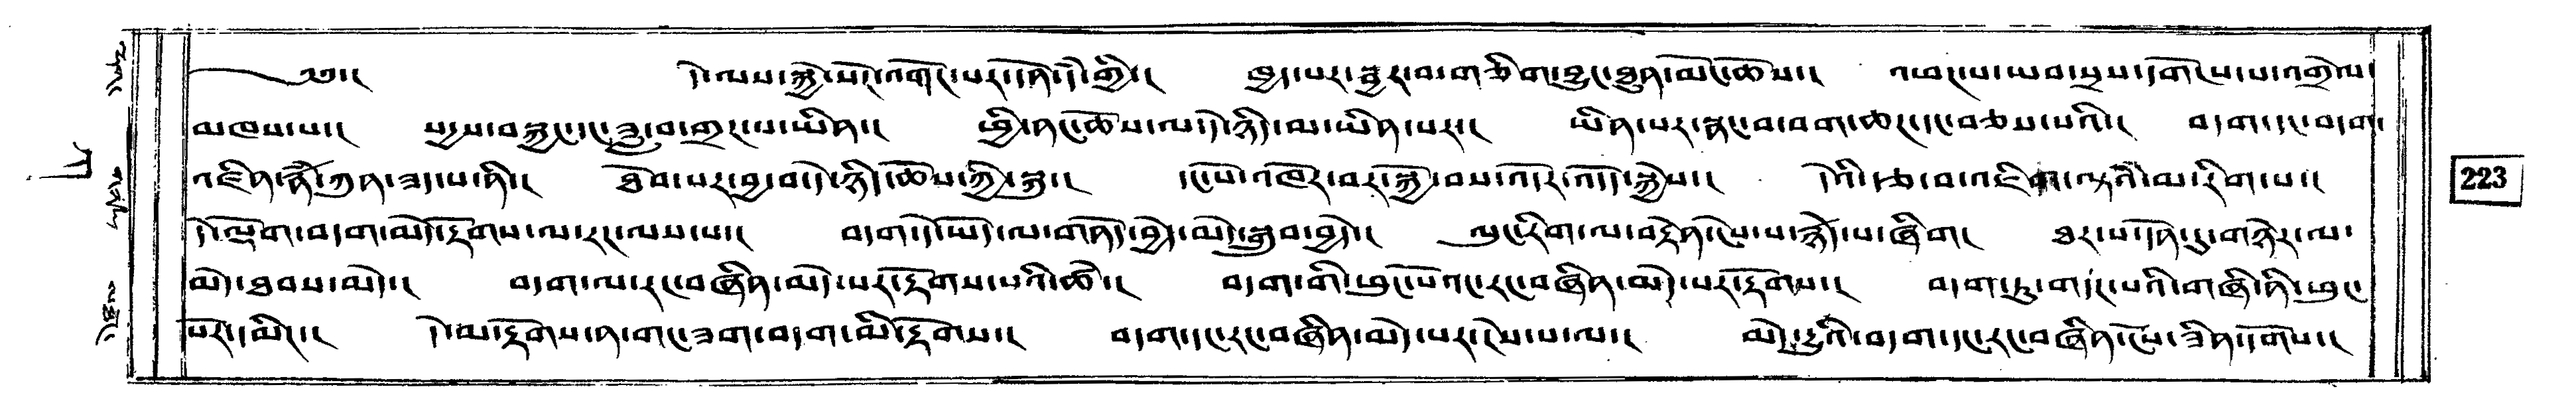དེ་ལས་སྐྱེ་སོགས་འགོག་པར་དོན་དམ་གྱི། །ཁྱད་པར་སྦྱར་བ་གཅིག་བྱུང་ཐུན་མོང་ཆོས། །འཕགས་པ་ཡབ་སྲས་དགོངས་པ་འགྲེལ་
མཁས་པ། །སངས་རྒྱས་བསྐྱངས་དང་ཟླ་བ་གྲགས་པ་ཡིན། །ཕྱི་ནང་ཆོས་ལ་དེ་ཉིད་མ་ཡིན་པར། །ཡིན་པར་སྣང་བ་བག་ཆགས་དང་བཅས་པའི། །བདག་དང་བདག་
འཛིན་རྣམ་ཀུན་ཟད་པ་ནི། །འཐོབ་པར་བྱ་བ་དེ་ཉིད་ཆོས་ཀྱི་སྐུ། །དང་པོ་འཁོར་བར་སྐྱོ་བས་འདོར་འདོད་སྐྱེས། །དེ་ཡི་རྩ་བ་འཇིག་ལྟའི་མ་རིག་པ། །
དེ་ལྡོག་བདག་མཻད་རྟོགས་ལ་རགས་ལས་པ། །བདག་དེ་ཡོད་ལ་གནོད་བྱེད་མེད་སྒྲུབ་བྱེད། །ལུང་རིགས་ལ་བརྟེན་ངེས་པ་རྙེད་པ་ཞིག །ཐར་པ་དོན་དུ་གཉེར་ལ་
མེད་ཐབས་མཻད། །བདག་ལ་རང་བཞིན་མེད་པར་རྟོགས་པའི་ཚེ། །བདག་གི་ཕུང་པོའང་རང་བཞིན་མེད་པར་རྟོགས། །བདག་ཏུ་གདགས་པའི་གཞི་ནི་ཕུང་
པོར་དམིགས། །དེ་མ་རྟོགས་ན་གང་ཟག་བདག་མི་རྟོགས། །བདག་དང་རང་བཞིན་མེད་པར་ངེས་པ་ལ། །མེད་རྒྱུའི་བདག་དང་རང་བཞིན་ངོས་ཟིན་དགོས། །